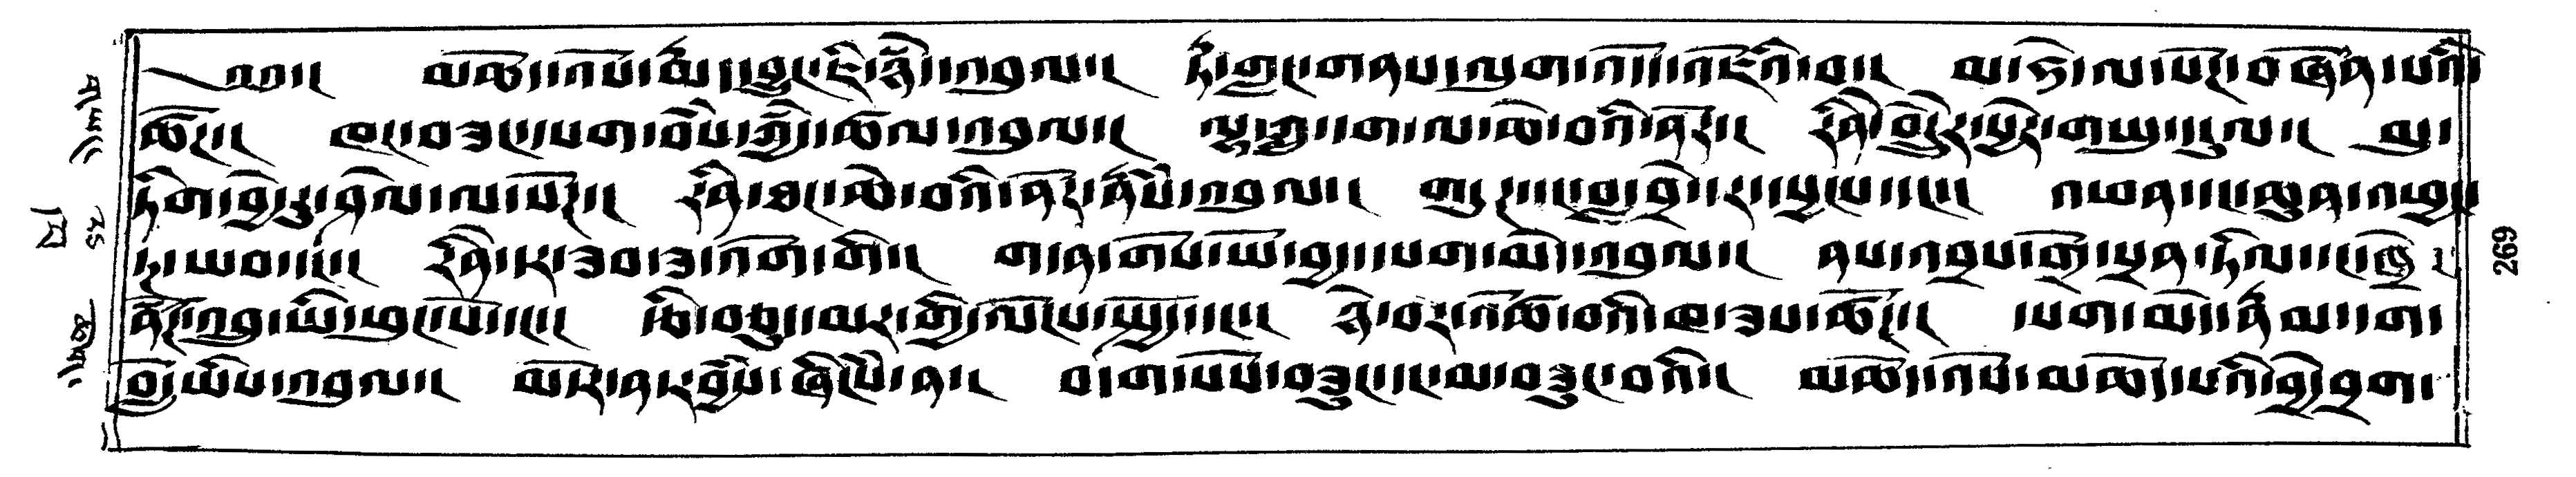མཆོད་འོས་རྨད་བྱུང་ཇི་སྙེད་འབུལ། རྟ་གླང་གནས་ལུག་འདོད་འཇོའི་བ། །མ་ཧེ་ལ་སོགས་བཞོན་པའི་
ཚོགས། །ཁང་བཟང་དཔག་བསམ་སྐྱེད་ཚལ་འབུལ། །ལྷ་ཀླུ་དག་ལ་ཆེ་བའི་ནོར། །རིན་ཆེན་བཻཌཱུར་གསེར་གཡུ་དངུལ། །མུ་
ཏིག་བྱེ་རུ་ཤེལ་ལ་སོགས། །རིན་ཐང་ཆེ་བའི་ནོར་རྣམས་འབུལ། །གདུགས་དང་བླ་བྲེ་དར་དཔྱངས་དང་། །འཕན་དང་ཆུན་འཕྱང་
རྔ་ཡབ་དང་།རིན་ཆེན་དར་ཟབ་ཟ་འོག་གི། །གདན་གོས་ཡོ་བྱད་དཔག་མེད་འབུལ། །ནས་འབྲས་གྲོ་སྲན་ཏིལ་དང་ཁྲེ། །
སྣ་ཚོགས་འབྲུ་ཡི་ཕུང་པོ་དང་། །རྩི་བཅུད་མར་གྱི་ལོངས་སྤྱོད་དང་། །ཉེ་བར་འཚེ་བའི་ཁ་ཟས་ཚོགས། །དཔག་མེད་རྣམ་དག་
བློ་ཡིས་འབུལ། །མདོར་ན་རབ་འབྱམས་ཞིང་ཁམས་ན། །བདག་པོས་བཟུང་དང་མ་བཟུང་བའི། །མཆོད་འོས་མཆོད་པའི་བྱེ་བྲག་